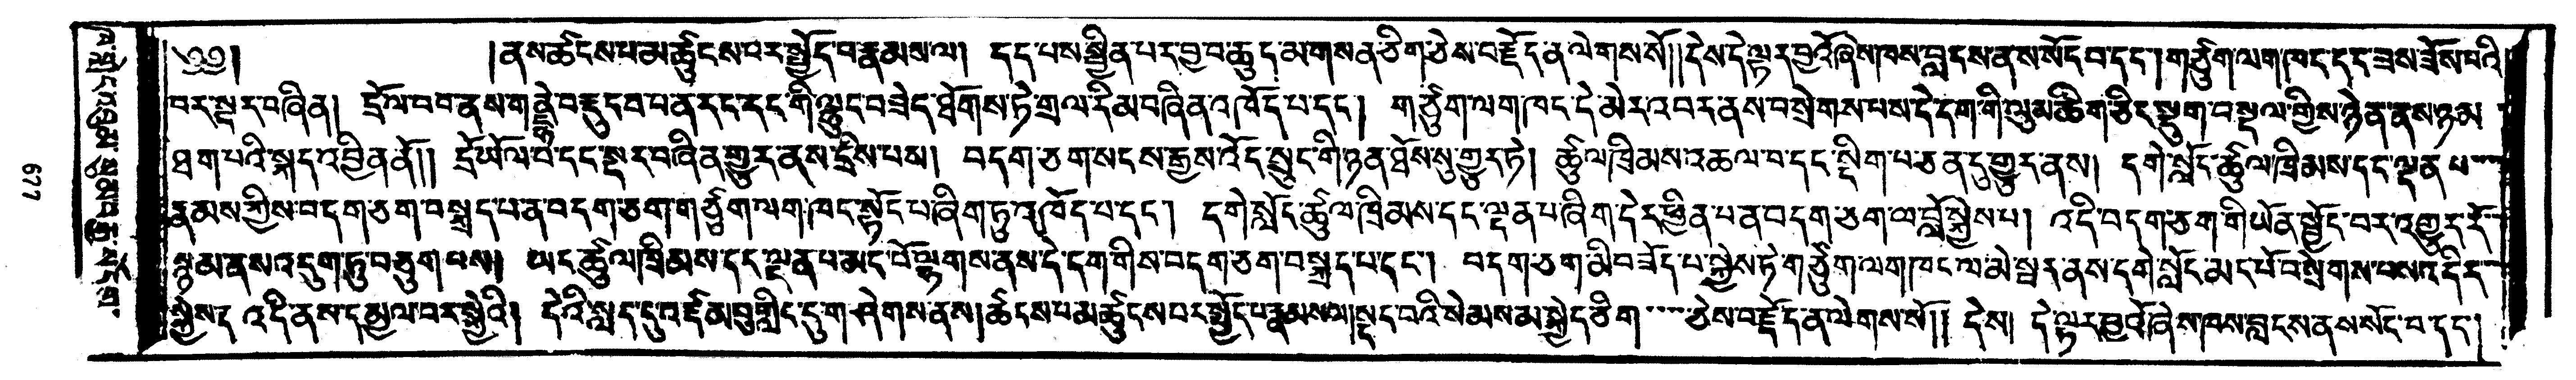༄༅། །ནས་ཚངས་པ་མཚུངས་པར་སྤྱོད་པ་རྣམས་ལ། དད་པས་སྦྱིན་པར་བྱ་བ་ཆུད་མ་གསན་ཅིག་ཅེས་བརྗོད་ན་ལེགས་སོ།། དེས་དེ་ལྟར་བྱའོ་ཞེས་ཁས་བླངས་ནས་སོད་བ་དང་། གཙུག་ལག་ཁང་དང་ཟས་ཟོས་པའི་
བར་སྔར་བཞིན། དྲོ་ལ་བབ་ནས་གནྡྷེ་བརྡུང་བ་པ་ན་རང་རང་གི་ལྷུང་བཟེད་ཐོགས་ཏེ་གྲལ་རིམ་བཞིན་འཁོད་པ་དང་། གཙུག་ལག་ཁང་དེ་མེར་འབར་ནས་བསྲེགས་པས་དེ་དག་གི་ལུམ་ཚིག་ཅིང་སྡུག་བསྔལ་གྱིས་ཉེན་ནས་ཉམ་
ཐག་པའི་སྐད་འབྱིན་ནོ།། དྲོ་ཡོལ་བ་དང་སྔར་བཞིན་གྱུར་ནས་དྲིས་པས། བདག་ཅག་སངས་རྒྱས་འོད་སྲུང་གི་ཉན་ཐོས་སུ་གྱུར་ཏེ། ཚུལ་ཁྲིམས་འཆལ་བ་དང་སྡིག་པ་ཅན་དུ་གྱུར་ནས། དགེ་སློང་ཚུལ་ཁྲིམས་དང་ལྡན་པ་
རྣམས་ཀྱིས་བདག་ཅག་བསྐྲད་པ་ན་བདག་ཅག་གཙུག་ལག་ཁང་སྟོང་པ་ཞིག་ཏུ་འཁོད་པ་དང་། དགེ་སློང་ཚུལ་ཁྲིམས་དང་ལྡན་པ་ཞིག་དེར་ཕྱིན་པ་ན་བདག་ཅག་ལ་བློ་སྐྱེས་པ། འདི་བདག་ཅག་གི་ཡོན་སྦྱོང་བར་འགྱུར་རོ་
སྙམ་ནས་འདུག་ཏུ་བཅུག་པས། ཡང་ཚུལ་ཁྲིམས་དང་ལྡན་པ་མང་པོ་ལྷགས་ནས་དེ་དག་གིས་བདག་ཅག་བསྐྲད་པ་དང་། བདག་ཅག་མི་བཟོད་པ་སྐྱེས་ཏེ་གཙུག་ལག་ཁང་ལ་མེ་སྦར་ནས་དགེ་སློང་མང་པོ་བསྲེགས་པས་འདིར་
སྐྱེས༑ འདི་ནས་དམྱལ་བར་སྐྱེའི། དེའི་སླད་དུ་འཛམ་བུ་གླིང་དུ་གཤེགས་ནས། ཚངས་པ་མཚུངས་པར་སྤྱོད་པ་རྣམས་ལ། སྡང་བའི་སེམས་མ་སྐྱེད་ཅིག་ཅེས་བརྗོད་ན་ལེགས་སོ།། དེས། དེ་ལྟར་བྱའོ་ཞེས་ཁས་བླངས་ནས་སོང་བ་དང་།